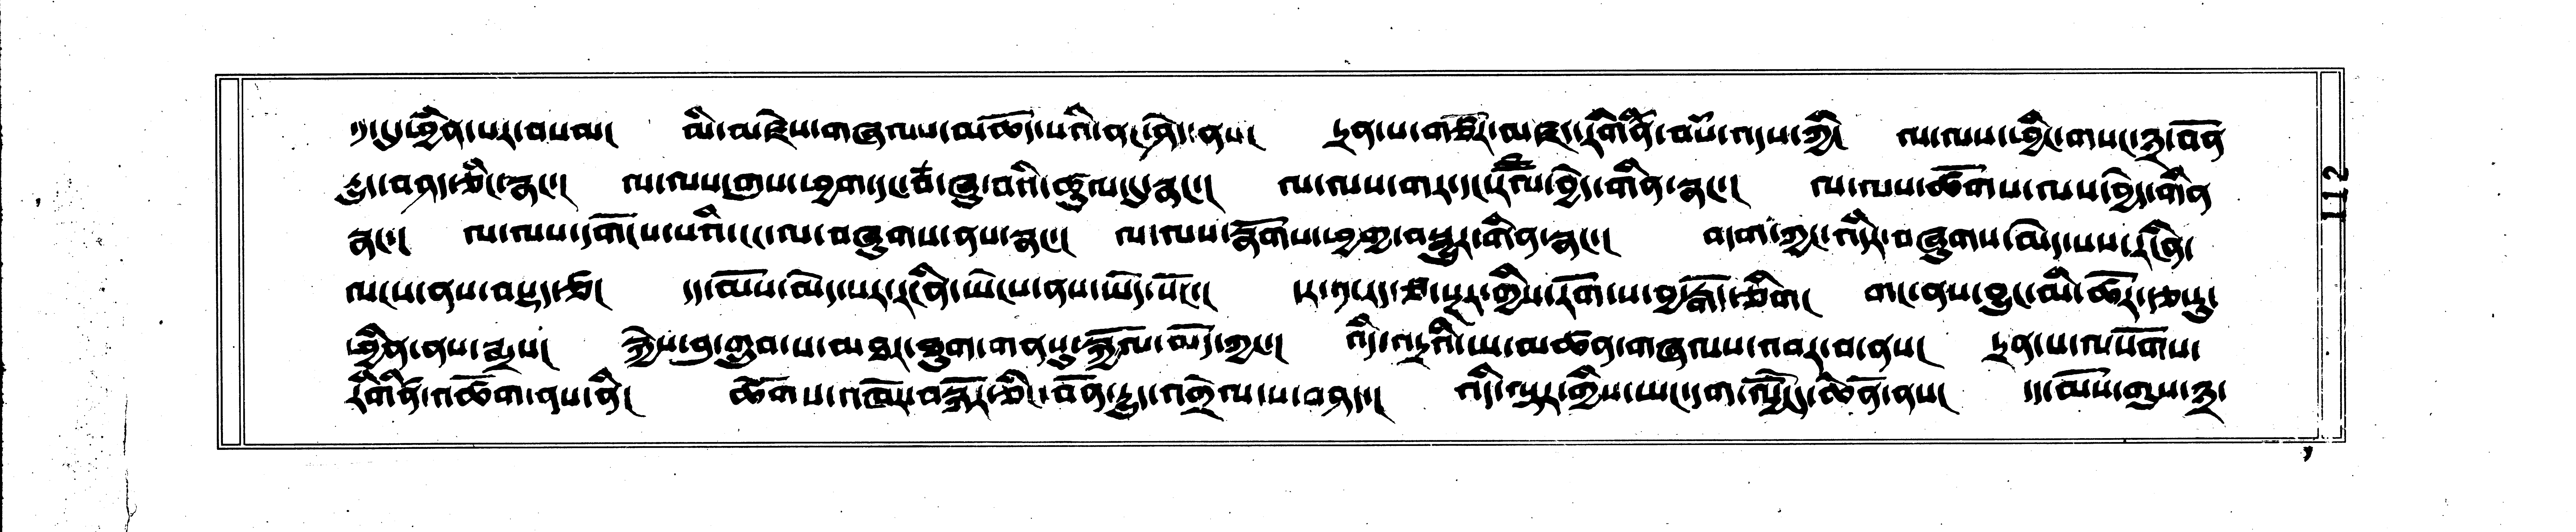ཅིག་དུ་ཕྱིན་པར་བསམ། མི་༼༽མཛེས་གཞལ་ཡས་མཆོད་པའི་ནང་ཤེད་ནས། དྲན་པ་གཙོར་མཛད་རིག་འཛིན་བསམ་འདས་ཀྱིས། ལ་ལས་ཕྱི་ནང་གསང་གསུམ་བོན་
རྒྱུད་བཤད་ཅིང་སྣང་། ལ་ལས་གུས་ཕྱག་དང་བ་ཞུ་བའི་ཚུལ་དུ་སྣང་། ལ་ལས་གར་དང་རོལ་མོ་བྱེད་གིན་སྣང་། ལ་ལས་ཚོགས་ལས་བྱེད་གིན་
སྣང་། ལ་ལས་དགོངས་པའི་ངང་ལ་བཞུགས་ནས་སྣང་། ལ་ལས་སྣ་ཚོགས་ཕྱག་རྒྱ་བསྒྱུར་གིན་སྣང་། བདག་ཀྱང་འདིར་བཞུགས་མེད་པས་རང་བཞིན་
ལངས་ནས་བསྡད་ཙ། དད་མོས་མེད་པར་རང་བཞིན་ཡེངས་ནས་ཡོད་སོང་། དར་གཅིག་རད་ཙ་སྔར་གྱིས་རོགས་པ་བྱ་རྒོད་ཅིག གང་ནས་བྱུང་མི་ཚོར་རྩ་རུ་
ཕྱིན་ནས་སྨྲས། སྐྱེས་བུ་གྲུབ་པ་མཐར་ཐུག་གནས་སུ་སྐྱོལ་མོད་ཀྱང་། འདི་འདྲའི་ཡ་མཚན་གཞལ་ཡས་འབར་བ་ནས། དྲན་པ་ལ་སོགས་
རིག་འཛིན་འཚོགས་ནས་ནི། ཚོགས་འཁོར་བསྐོར་ཅིང་བོན་རྒྱུད་འགྲེལ་པ་བཤད། འདི་ལྟར་གྱིས་ཡང་དག་ལོངས་སྤྱོད་ཆེན་པོ་ནས། དད་མོས་གུས་གསུམ་